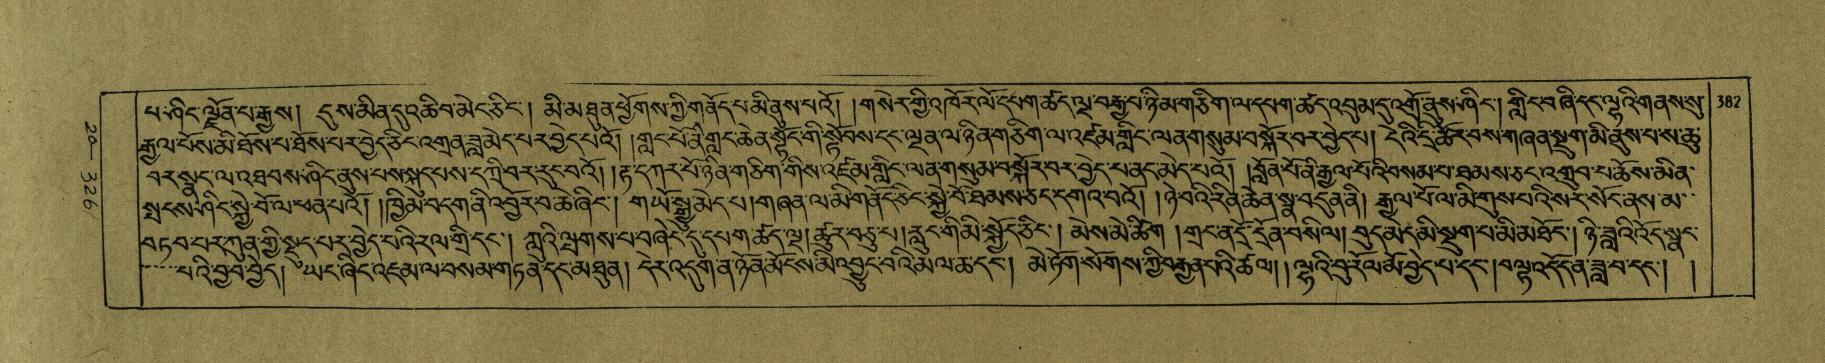པ་ཤིང་ལྗོན་པ་རྒྱས། དུས་མིན་དུ་འཆི་བ་མེད་ཅིང་། མི་མཐུན་ཕྱོགས་ཀྱི་གནོད་པ་མི་ནུས་པའོ། །གསེར་གྱི་འཁོར་ལོ་དཔག་ཚད་ལྔ་བརྒྱ་པ་ཉི་མ་གཅིག་ལ་དཔག་ཚད་འབུམ་དུ་འགྲོ་ནུས་ཤིང་། གླིང་བཞི་དང་ལྷའི་གནས་སུ་
རྒྱལ་པོས་མི་ཐོས་པ་ཐོས་པར་བྱེད་ཅིང་འགྲན་ཟླ་མེད་པར་བྱེད་པའོ། །གླང་པོ་ནི་གླང་ཆེན་སྟོང་གི་སྟོབས་དང་ལྡན་ལ་ཉིན་གཅིག་ལ་འཛམ་གླིང་ལན་གསུམ་བསྐོར་བར་བྱེད་པ། དེའི་དྲི་ཚོར་བས་གཞན་སྡུག་མི་ནུས་པ་ས་ཆུ་
བར་སྣང་ལ་འཐབས་ཤིང་ནུས་པས་སྐུད་པས་དཀྲི་བར་རུང་བའོ། །རྟ་དཀར་པོ་ཉིན་གཅིག་གིས་འཛམ་གླིང་ལན་གསུམ་བསྐོར་བར་བྱེད་པ་ནང་མེད་པའོ། །བློན་པོ་ནི་རྒྱལ་པོའི་བསམ་པ་ཐམས་ཅད་འགྲུབ་པ་ཆོས་མིན་
སྤངས་ཤིང་སྐྱེ་བོ་ལ་ཕན་པའོ། །ཁྱིམ་བདག་ནི་འབྱོར་བ་ཆེ་ཞིང་། གཡོ་སྒྱུ་མེད་པ། གཞན་ལ་མི་གནོད་ཅིང་སྐྱེ་བོ་ཐམས་ཅད་དགའ་བའོ། །ཉེ་བའི་རིན་ཆེན་སྣ་བདུན་ནི། རྒྱལ་པོ་ལ་མི་གུས་པའི་སར་སོང་ནས་མ་
བཏབ་པར་ཀུན་གྱི་སྡུད་པར་བྱེད་པའི་རལ་གྲི་དང་། ཀླུའི་ལྤགས་པ་བཞེང་དུ་དཔག་ཚད་ལྔ། ཚུར་བཅུ་པ། རླུང་གི་མི་སྐྱོད་ཅིང་། མེས་མེ་ཚིག །གྲང་ན་དྲོ་དྲོན་བསིལ། བུད་མེད་མི་སྡུག་པ་མི་མཐོང་། ཉི་ཟླའི་འོད་སྣང་
པའི་བྱ་བ་བྱེད། ཡང་ཞིང་འཇམ་ལ་བསམ་གཏན་དང་མཐུན། དེར་འདུག་ན་ཉོན་མོངས་མི་འབྱུང་བའི་མལ་ཆ་དང་། མེ་ཏོག་སོགས་ཀྱི་བརྒྱན་པའི་ཚལ། །ལྷའི་བུ་རོལ་མོ་བྱེད་པ་དང་། བལྟ་འདོད་ན་ཟླ་བ་དང་། །